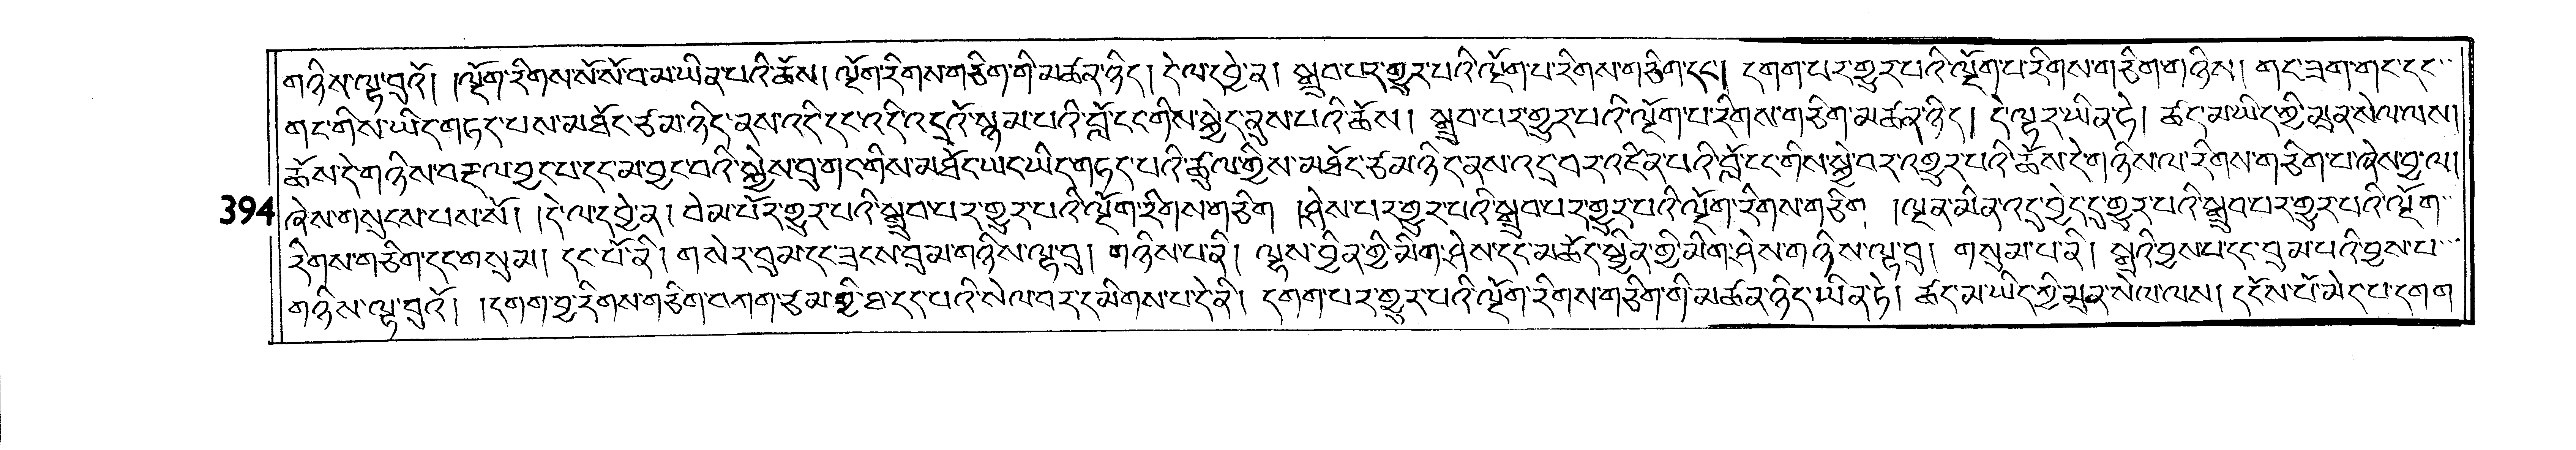གཉིས་ལྟ་བུའོ། །ལྡོག་རིགས་སོ་སོ་བ་མ་ཡིན་པའི་ཆོས། ལྡོག་རིགས་གཅིག་གི་མཚན་ཉིད། དེ་ལ་དབྱེ་ན། སྒྲུབ་པར་གྱུར་པའི་ལྡོག་པ་རིགས་གཅིག་དང་། དགག་པར་གྱུར་པའི་ལྡོག་པ་རིགས་གཅིག་གཉིས། གང་ཟག་གང་དང་
གང་གིས་ཡིད་གཏར་པས་མཐོང་ཙམ་ཉིད་ནས་འདི་དང་འདི་འདྲའོ་སྙམ་པའི་བློ་དང་གིས་སྐྱེད་ནུས་པའི་ཆོས། སྒྲུབ་པར་གྱུར་པའི་ལྡོག་པ་རིགས་གཅིག་མཚན་ཉིད། དེ་ལྟར་ཡིན་ཏེ། ཚད་མ་ཡིད་ཀྱི་མུན་སེལ་ལས་
ཆོས་དེ་གཉིས་བརྡ་ལ་བྱད་པ་དང་མ་བྱང་པའི་སྐྱེས་བུ་གང་གིས་མཐོང་ཡང་ཡིད་གཏད་པའི་ཚུལ་གྱིས་མཐོང་ཙམ་ཉིད་ནས་འདྲ་བར་འཛིན་པའི་བློ་དང་གིས་སྐྱེ་བར་འགྱུར་བའི་ཆོས་དེ་གཉིས་ལ་རིགས་གཅིག་པ་ཞེས་བྱ་ལ།
ཞེས་གསུངས་པས་སོ། །དེ་ལ་དབྱེ་ན། བེམ་པོར་གྱུར་པའི་སྒྲུབ་པར་གྱུར་པའི་ལྡོག་རིགས་གཅིག །ཤེས་པར་གྱུར་པའི་སྒྲུབ་པར་གྱུར་པའི་ལྡོག་རིགས་གཅིག །ལྡན་མིན་འདུ་བྱེད་དུ་གྱུར་པའི་སྒྲུབ་པར་གྱུར་པའི་ལྡོག་
རིགས་གཅིག་དང་གསུམ། དང་པོ་ནི། གསེར་བུམ་དང་ཟངས་བུམ་གཉིས་ལྟ་བུ། གཉིས་པ་ནི། ལྟས་བྱིན་གྱིས་མིག་ཤེས་དང་མཆོད་སྦྱིན་གྱི་མིག་ཤེས་གཉིས་ལྟ་བུ། གསུམ་པ་ནི། སྒྲའི་བྱས་པ་དང་བུམ་པའི་བྱས་པ་
གཉིས་ལྟ་བུའོ། །དགག་བྱ་རིགས་གཅིག་བཀག་ཙམ་གྱི་ཐ་དད་པའི་སེལ་བར་དམིགས་པ་དེ་ནི། དགག་པར་གྱུར་པའི་ལྡོག་རིགས་གཅིག་གི་མཚན་ཉིད་ཏེ། ཚད་མ་ཡིན་ཀྱི་མུན་སེལ་ལས། དངོས་པོ་མེད་པ་དགག་